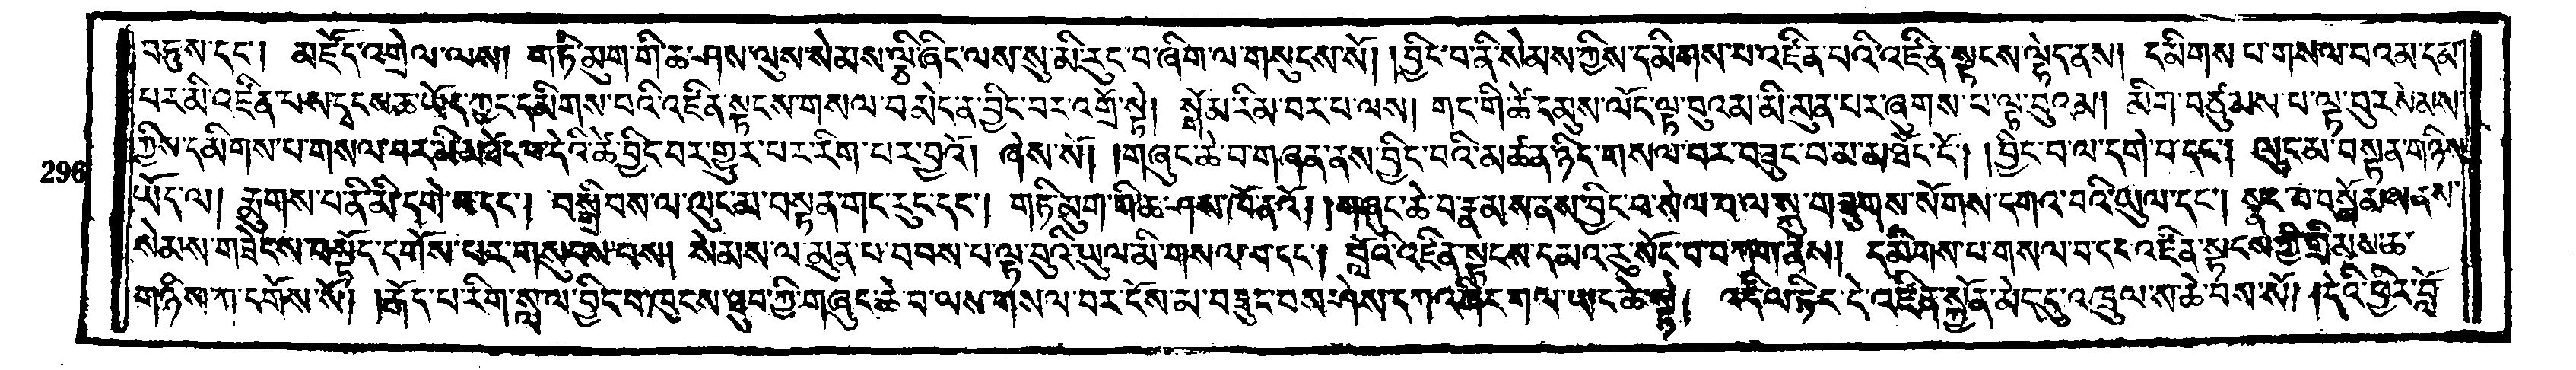བཏུས་དང་། མཛོད་འགྲེལ་ལས། གཏི་མུག་གི་ཆ་ཤས་ལུས་སེམས་ལྕི་ཞིང་ལས་སུ་མི་རུང་བ་ཞིག་ལ་གསུངས་སོ། །བྱིང་བ་ནི་སེམས་ཀྱིས་དམིགས་པ་འཛིན་པའི་འཛིན་སྟངས་ལྷེད་ནས། དམིགས་པ་གསལ་བའམ་དམ་
པར་མི་འཛིན་པས་དྭངས་ཆ་ཡོད་ཀྱང་དམིགས་པའི་འཛིན་སྟངས་གསལ་བ་མེད་ན་བྱིང་བར་འགྲོ་སྟེ། སྒོམ་རིམ་བར་པ་ལས། གང་གི་ཚེ་དམུས་ལོད་ལྟ་བུའམ་མི་མུན་པར་ཞུགས་པ་ལྟ་བུའམ། དམིགས་བཙུམས་པ་ལྟ་བུར་སེམས་
ཀྱིས་དམིགས་པ་གསལ་བར་མི་མཐོང་བ་དེའི་ཚེ་བྱིང་བར་གྱུར་པར་རིག་པར་བྱའོ། ཞེས་སོ། །གཞུང་ཆེ་བ་གཞན་ནས་བྱིང་བའི་མཚན་ཉིད་གསལ་བར་བཟུང་བར་བཟུང་བ་མ་མཐོང་ངོ། །བྱིང་བ་ལ་དགེ་བ་དང་། ལུང་མ་བསྟན་གཉིས་
ཡོད་ལ། རྨུགས་པ་ནི་མི་དགེ་བ་དང་། བསྒྲིབས་ལ་ལུང་མ་བསྟན་གང་རུང་དང་། གཏི་མུག་གི་ཆ་ཤས་ཁོ་ནའོ། །གཞུང་ཆེ་བ་རྣམས་ནས་བྱིང་བ་སེལ་བ་ལ་སྐུ་གཟུགས་སོགས་དགའ་བའི་ཡུལ་དང་། སྣང་བ་བསྒོམས་ནས་
སེམས་གཟེངས་བསྟོད་དགོས་པར་གསུངས་བས། སེམས་ལ་མུན་པ་བབས་པ་ལྟ་བུའི་ཡུལ་མི་གསལ་བ་དང་། བློའི་འཛིན་སྟངས་དམའ་རུ་སོང་བ་བཀག་ནས། དམིགས་པ་གསལ་བ་དང་འཛིན་སྟངས་ཀྱི་གྲིམས་ཆ་
གཉིས་ཀ་དགོས་སོ། །རྒོད་པ་རིག་སླ་ལ་བྱིང་བ་ཁུངས་ཐུབ་ཀྱི་གཞུང་ཆེ་བ་ལས་གསལ་བར་ངོས་མ་བཟུང་བས་ཤེས་དཀའ་ཞིང་གལ་ཡང་ཆེ་སྟེ། འདི་ལ་ཏིང་ངེ་འཛིན་སྐྱོན་མེད་དུ་འཁྲུལ་ས་ཆེ་བས་སོ། །དེའི་ཕྱིར་བློ་